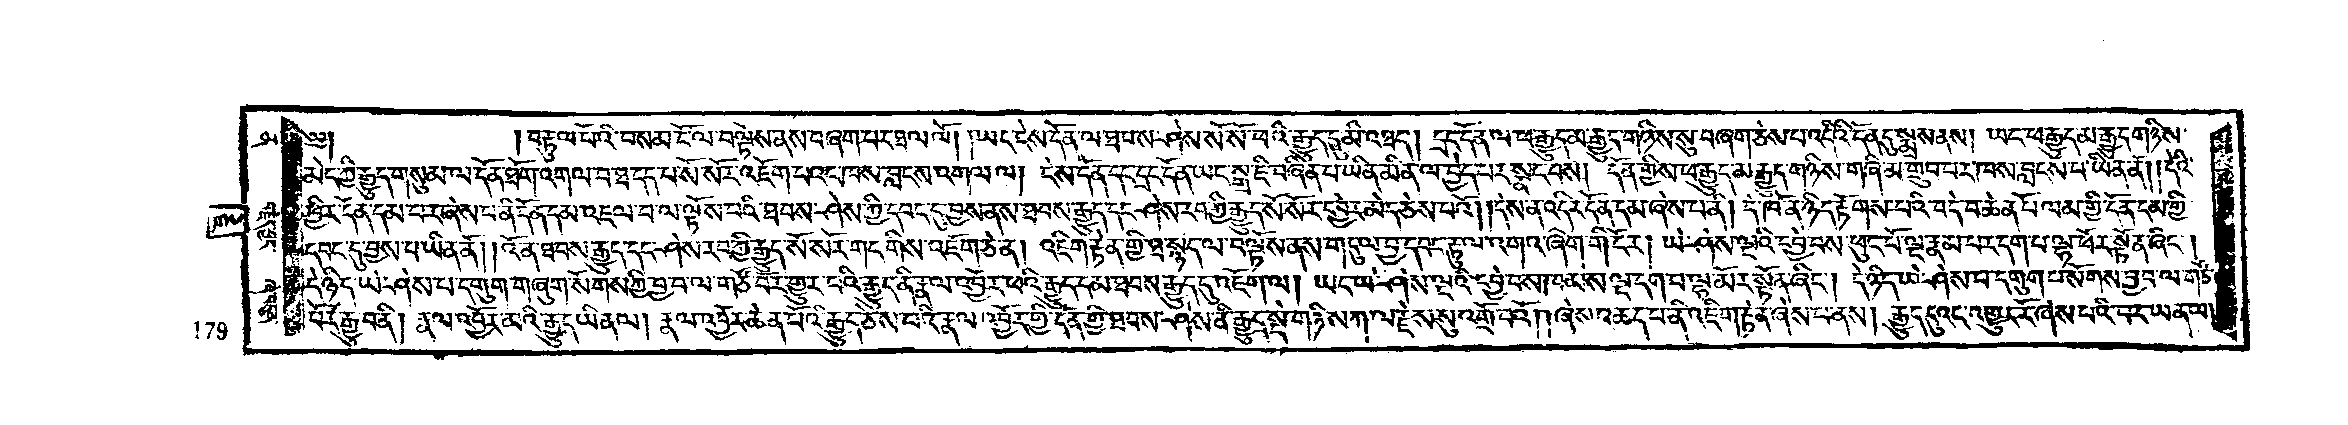༄༅། །བརྟུལ་པོའི་བསམ་ངོ་ལ་བལྟོས་ནས་བཞག་པར་ཐལ་ལོ། །ཡང་ངེས་དོན་ལ་ཐབས་ཤེས་སོ་སོ་བའི་རྒྱུད་དུ་མི་འཐད། དྲང་དོན་ལ་ཕ་རྒྱུད་མ་རྒྱུད་གཉིས་སུ་བཞག་ཅེས་པ་འདིའི་དོན་དུ་སྨྲས་ནས། ཡང་ཕ་རྒྱུད་མ་རྒྱུད་གཉིས་
མེད་ཀྱི་རྒྱུད་གསུམ་ལ་དོན་ཐོག་འགལ་བ་ཐ་དད་པ་སོ་སོར་འཇོག་པའང་ཁས་བླངས་འགལ་ལ། ངེས་དོན་དང་དྲང་དོན་ཡང་སྒྲ་ཇི་བཞིན་པ་ཡིན་མིན་ལ་བྱེད་པར་སྣང་བས། དོན་གྱིས་ཕ་རྒྱུད་མ་རྒྱུད་གཉིས་གཞི་མ་གྲུབ་པར་ཁས་བླངས་པ་ཡིན་ནོ། །དེའི་
ཕྱིར་དོན་དམ་པར་ཞེས་པ་ནི་དོན་དམ་འཇལ་བ་ལ་ལྟོས་པའི་ཐབས་ཤེས་ཀྱི་དབང་དུ་བྱས་ནས་ཐབས་རྒྱུད་དང་ཤེས་རབ་ཀྱི་རྒྱུད་སོ་སོར་དབྱེར་མེད་ཅེས་པའོ། །དེས་ན་འདིར་དོན་དམ་ཞེས་པ་ནི། དེ་ཁོ་ན་ཉིད་རྟོགས་པའི་བདེ་བ་ཆེན་པོ་ལམ་གྱི་དོན་དམ་གྱི་
དབང་དུ་བྱས་པ་ཡིན་ནོ། །འོ་ན་ཐབས་རྒྱུད་དང་ཤེས་རབ་ཀྱི་རྒྱུད་སོ་སོར་གང་གིས་འཇོག་ཅེ་ན། འཇིག་རྟེན་གྱི་ཐ་སྙད་ལ་བལྟོས་ནས་གདུལ་བྱ་དབང་རྟུལ་འགའ་ཞིག་གི་ངོར། ཡེ་ཤེས་ལྔའི་དབྱེ་བས་ཕུང་པོ་ལྔ་རྣམ་པར་དག་པ་ལྷ་ཕོར་སྟོན་ཞིང་།
དེ་ཉིད་ཡེ་ཤེས་པ་དགུག་གཞུག་སོགས་ཀྱི་བྱ་བ་ལ་གཙོ་བོར་གྱུར་པའི་རྒྱུད་ནི་རྣལ་འབྱོར་ཕའི་རྒྱུད་དམ་ཐབས་རྒྱུད་དུ་འཇོག་ལ། ཡང་ཡེ་ཤེས་ལྔའི་དབྱེ་བས་ཁམས་ལྔ་དག་པ་ལྷ་མོར་སྟོན་ཞིང་། དེ་ཉིད་ཡེ་ཤེས་པ་དགུག་པ་སོགས་བྱ་བ་ལ་གཙོ་
བོར་རྒྱུ་བ་ནི། རྣལ་འབྱོར་མའི་རྒྱུད་ཡིན་ལ། རྣལ་འབྱོར་ཆེན་པོའི་རྒྱུད་ཅེས་པའི་རྣལ་འབྱོར་གྱི་དོན་གྱི་ཐབས་ཤེས་ནི་རྒྱུད་སྡེ་གཉིས་ཀ་ལ་རྗེས་སུ་འགྲོ་བའོ། །ཞེས་འཆད་པ་ནི་འཇིག་རྟེན་ཞེས་པ་ནས། རྒྱུད་དུའང་འགྱུར་རོ་ཞེས་པའི་བར་ཡན་ལ།